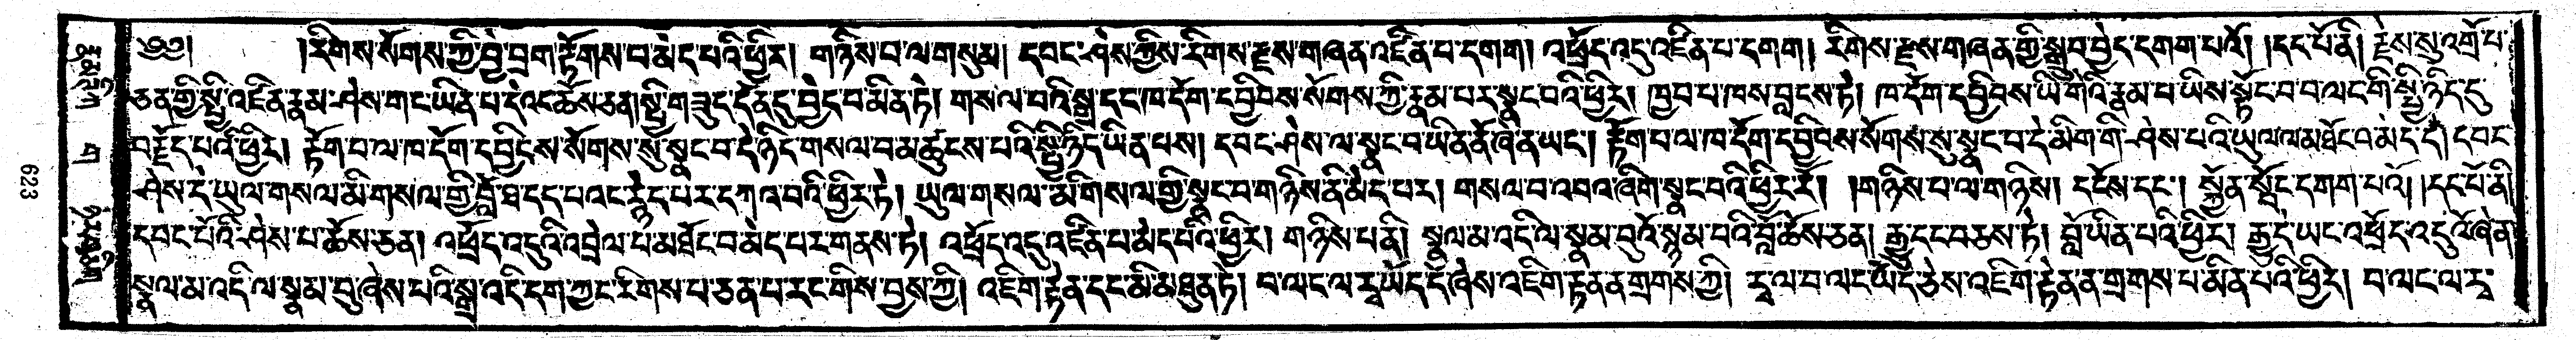༄༅། །རིགས་སོགས་ཀྱི་བྱེ་བྲག་རྟོགས་བ་མེད་པའི་ཕྱིར། གཉིས་བ་ལ་གསུམ། དབང་ཤེས་ཀྱིས་རིགས་རྫས་གཞན་འཛིན་བ་དགག། འཕྲོད་འདུ་འཛིན་པ་དགག། རིགས་རྫས་གཞན་གྱི་སྒྲུབ་བྱེད་དགག་པའོ། །དང་པོ་ནི། རྗེས་སུ་འགྲོ་པ་
ཅན་གྱི་སྤྱི་འཛིན་རྣམ་ཤེས་གང་ཡིན་པ་དེའང་ཆོས་ཅན། སྤྱི་གཟུད་དོན་དུ་བྱེད་བ་མིན་ཏེ། གསལ་བའི་སྒྲ་དང་ཁ་དོག་དབྱིབས་སོགས་ཀྱི་རྣམ་པར་སྣང་བའི་ཕྱིར། ཁྱབ་པ་ཁས་བླངས་ཏེ། ཁ་དོག་དབྱིབས་ཡི་གེའི་རྣམ་པ་ཡིས་སྟོང་བ་བ་ལང་གི་སྤྱི་ཉིད་དུ་
བརྗོད་པའི་ཕྱིར། རྟོག་བ་ལ་ཁ་དོག་དབྱིངས་སོགས་སུ་སྣང་བ་དེ་ཉིད་གསལ་བ་མཚུངས་པའི་སྤྱི་ཉིད་ཡིན་པས། དབང་ཤེས་ལ་སྣང་བ་ཡིན་ནོ་ཞེ་ན་ཡང་། རྟོག་བ་ལ་ཁ་དོག་དབྱིབས་སོགས་སུ་སྣང་བ་དེ་མིག་གི་ཤེས་པའི་ཡུལ་ལ་མཐོང་བ་མེད་དེ། དབང་
ཤེས་དེ་ཡུལ་གསལ་མི་གསལ་གྱི་བློ་ཐ་དད་པའང་རྙེད་པར་དཀའ་བའི་ཕྱིར་ཏེ། ཡུལ་གསལ་མི་གསལ་གྱི་སྣང་བ་གཉིས་ནི་མེད་པར། གསལ་བ་འབའ་ཞིག་སྣང་བའི་ཕྱིར་རོ། །གཉིས་པ་ལ་གཉིས། དངོས་དང་། སྐྱོན་སྤོང་དགག་པའོ། །དང་པོ་ནི།
དབང་པོའི་ཤེས་པ་ཆོས་ཅན། འཕྲོད་འདུའི་འབྲེལ་པ་མཐོང་བ་མེད་པར་གནས་ཏེ། འཕྲོད་འདུ་འཛིན་པ་མེད་པའི་ཕྱིར། གཉིས་པ་ནི། སྣལ་མ་འདི་ལ་སྣམ་བུའོ་སྙམ་པའི་བློ་ཆོས་ཅན། རྒྱུ་དང་བཅས་ཏེ། བློ་ཡིན་པའི་ཕྱིར། རྒྱུ་དེ་ཡང་འཕྲོད་འདུའོ་ཞེ་ན་
སྣལ་མ་འདི་ལ་སྣམ་བུ་ཞེས་པའི་སྒྲ་འདི་དག་ཀྱང་རིགས་པ་ཅན་པ་རང་གིས་བྱས་ཀྱི། འཇིག་རྟེན་དང་མི་མཐུན་ཏེ། བ་ལང་ལ་རྭ་ཡོད་དོ་ཞེས་འཇིག་རྟེན་ན་གྲགས་ཀྱི། རྭ་ལ་བ་ལང་ཡོད་ཅེས་འཇིག་རྟེན་ན་གྲགས་པ་མིན་པའི་ཕྱིར། བ་ལང་ལ་རྭ་